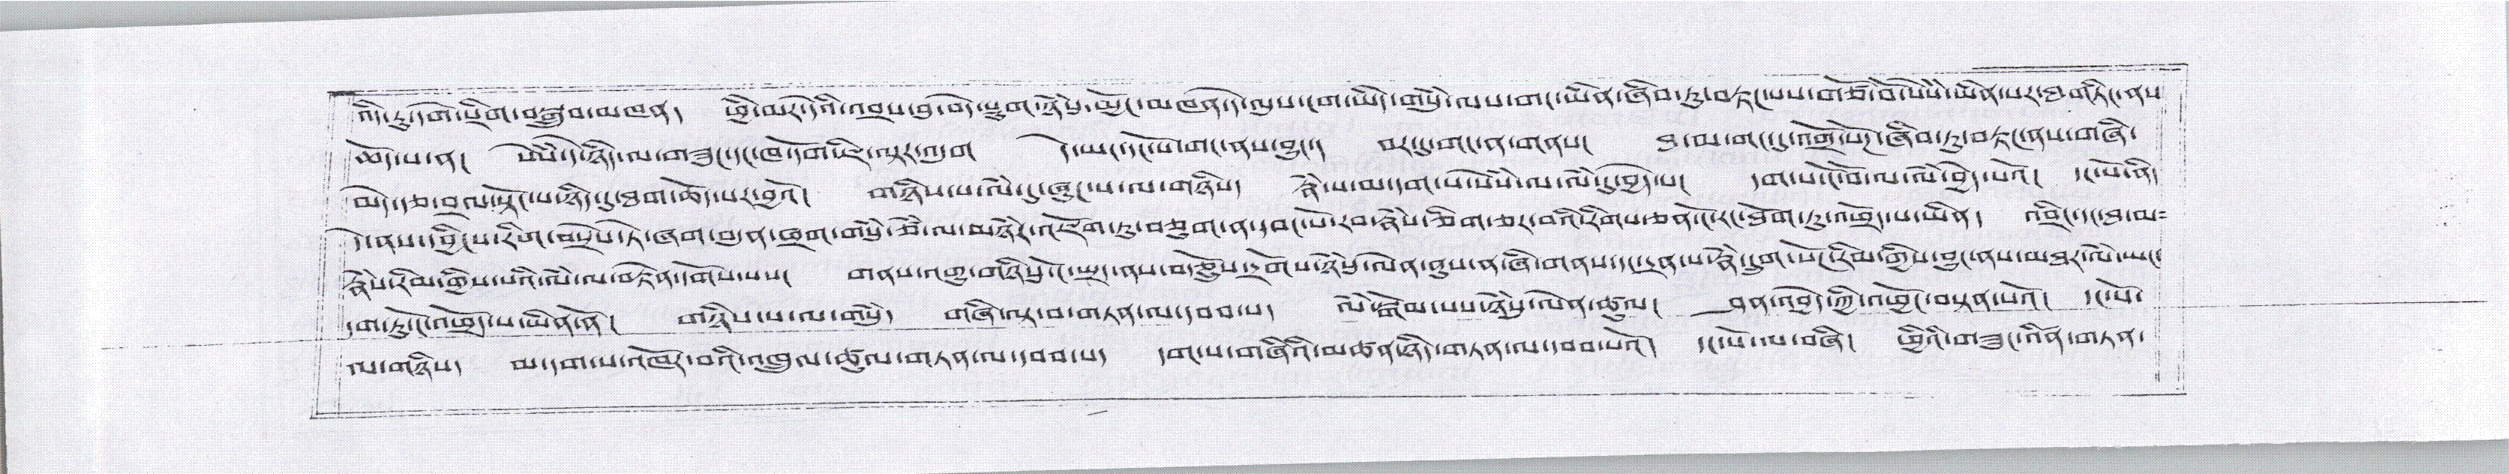འདི་རུ་དགེ་སྡིག་བསྒྲུབ་མཁན།ཕྱི་མར་དེའི་འབྲས་བུ་བདེ་སྡུག་ཉམས་སུ་མྱོང་མཁན་དེ་ལུས་ངག་ཡིད་གསུམ་ལས་གང་ཡིན་ཞིབ་ཏུ་བརྟགས་པས་གཙོ་བོ་སེམས་ཡིན་པར་ཐག་གཏིང་ནས་
ཆོད་པ་ན། སེམས་དེ་ཉིད་ལ་གཟུགས་དང་ཁ་དོག་ཇི་ལྟར་འདུག དེ་ཡང་དང་པོ་གང་ནས་བྱུང་། བར་དུ་གང་ན་གནས། ཐ་མ་གང་དུ་འགྲོ་སོགས་ཞིབ་ཏུ་བརྟགས་ནས་གཞི་
མེད་རྩ་བྲལ་སྟོང་པ་ཉིད་དུ་ཐག་ཆོད་པར་བྱའོ། གཉིས་པ་ལམ་དུ་ཞུགས་པ་ལ་གཉིས། རྣམ་པ་མ་དག་པ་སེམས་ལ་ལམ་དུ་བྱེད་པ། དག་པ་ངོ་བོ་ལ་ལམ་དུ་བྱེད་པའོ། དང་པོ་ནི། 
དེ་ནས་དབྱིངས་རིག་བསྲེས་ཏེ་ཞག་བདུན་ཕྲག་གསུམ་ཙམ་ལ་མཉམ་པར་འཇོག་ཏུ་བཅུག་ན་དབང་པོ་རབ་རྣམས་ཅིག་ཅར་བའི་རིགས་ཅན་ངོ་རང་ཐོག་ཏུ་འཕྲོད་པ་ཡིན། འབྲིང་དང་ཐ་མ་
རྣམས་རིམ་གྱིས་པའི་ལམ་ལ་བརྟེན་དགོས་པས། གནས་འགྱུ་གཉིས་སུ་ངོ་སྤྲད་ནས་བརྩོན་འགྲུས་དྲག་པོས་ཉམས་སུ་ལེན་ནུས་ན་ཞི་གནས་དང་དྲན་པ་རྣམ་དྲུག་སོགས་རིམ་གྱིས་བྱུང་ནས་མཐར་ལམ་ཡང་
དག་ཏུ་ངོ་འཕྲོད་པ་ཡིན་ནོ། གཉིས་པ་ལ། གཞི་ལྟ་བ་གཏན་ལ་དབབ་པ། ལམ་སྒོམ་པས་ཉམས་སུ་ལེན་ཚུལ། ཤན་འབྱེད་ཀྱི་འཕྱོང་བསྟན་པའོ། དང་པོ། 
གསང་བའི་གཟུང་འཛིན་གཏན་